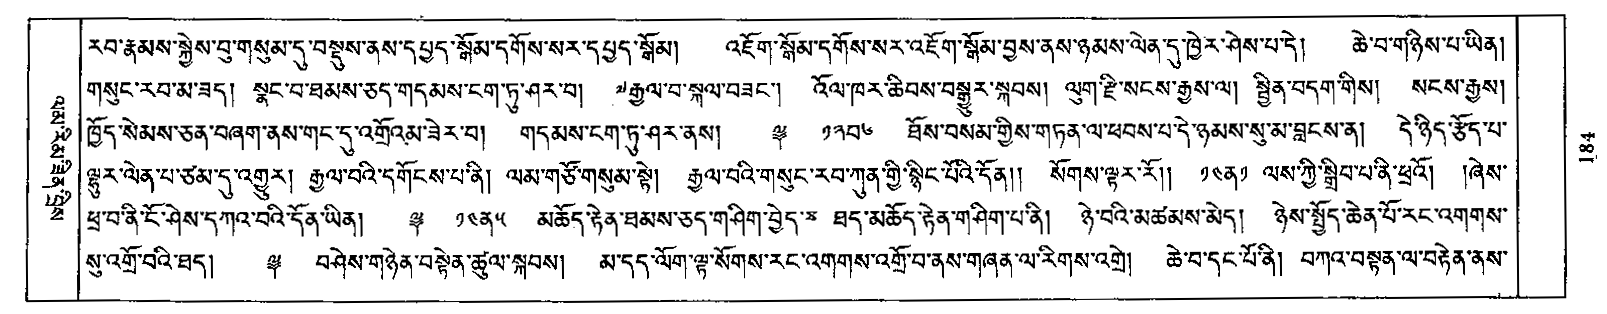རབ་རྣམས་སྐྱེས་བུ་གསུམ་དུ་བསྡུས་ནས་དཔྱད་སྒོམ་དགོས་སར་དཔྱད་སྒོམ། འཇོག་སྒོམ་དགོས་སར་འཇོག་སྒོམ་བྱས་ནས་ཉམས་ལེན་དུ་ཁྱེར་ཤེས་པ་དེ། ཆེ་བ་གཉིས་པ་ཡིན།
གསུང་རབ་མ་ཟད། སྣང་བ་ཐམས་ཅད་གདམས་ངག་ཏུ་ཤར་བ། ༧རྒྱལ་བ་སྐལ་བཟང་། འོལ་ཁར་ཆིབས་བསྒྱུར་སྐབས། ལུག་རྫི་སངས་རྒྱས་ལ། སྦྱིན་བདག་གིས། སངས་རྒྱས།
ཁྱོད་སེམས་ཅན་བཞག་ནས་གང་དུ་འགྲོའམ་ཟེར་བ། གདམས་ངག་ཏུ་ཤར་ནས། ༈ ༡༢་བ ༦་ཐོས་བསམ་གྱིས་གཏན་ལ་ཕབས་པ་དེ་ཉམས་སུ་མ་བླངས་ན། དེ་ཉིད་རྩོད་པ་
ལྷུར་ལེན་པ་ཙམ་དུ་འགྱུར། རྒྱལ་བའི་དགོངས་པ་ནི། ལམ་གཙོ་གསུམ་སྟེ། རྒྱལ་བའི་གསུང་རབ་ཀུན་གྱི་སྙིང་པོའི་དོན།། སོགས་ལྟར་རོ།། ༡༤་ན ༡་ལས་ཀྱི་སྒྲིབ་པ་ནི་ཕྲའོ། །ཞེས་
ཕྲ་བ་ནི་ངོ་ཤེས་དཀའ་བའི་དོན་ཡིན། ༈ ༡༤་ན ༥་མཆོད་རྟེན་ཐམས་ཅད་གཤིག་བྱེད་ཐད་མཆོད་རྟེན་གཤིག་པ་ནི། ཉེ་བའི་མཚམས་མེད། ཉེས་སྤྱོད་ཆེན་པོ་རང་འགགས་
སུ་འགྲོ་བའི་ཐད། ༈ བཤེས་གཉེན་བསྟེན་ཚུལ་སྐབས། མ་དད་ལོག་ལྟ་སོགས་རང་འགགས་འགྲོ་བ་ནས་གཞན་ལ་རིགས་འགྲེ། ཆེ་བ་དང་པོ་ནི། བཀའ་བསྟན་ལ་བརྟེན་ནས་